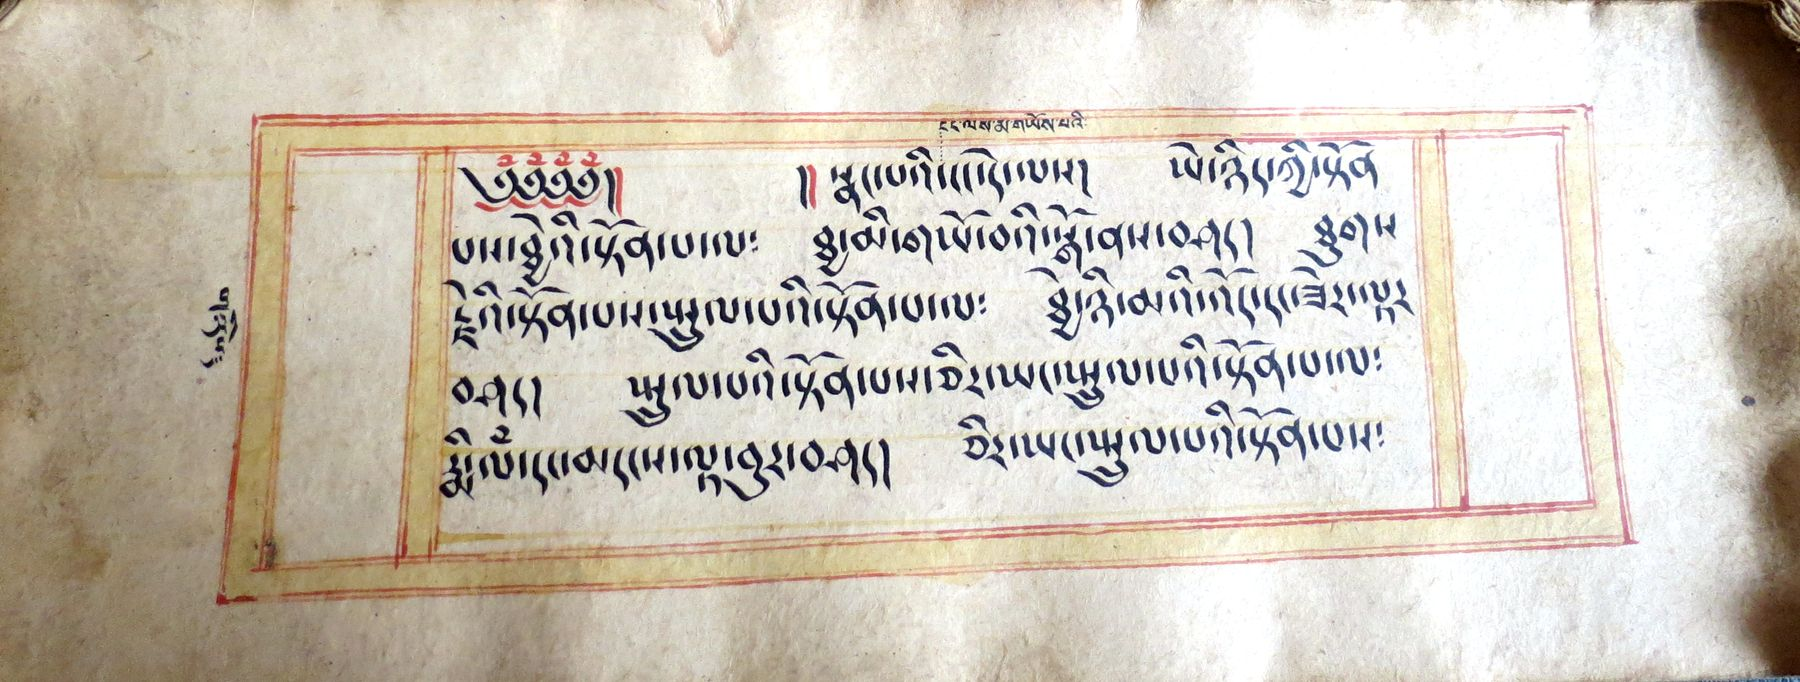སྣང་བའི་ངང་༼ངང་ལས་མ་གཡོས་པའི༽དེ་ལས། ཡེ་ཉིད་ཀྱི་སྟོན་
པས་ཐུགས་རྗེའི་སྟོན་པ་ལ་ཐུགས་མི་གཡོ་བའི་སྒོ་ནས་བཤད། ཐུགས་
རྗེའི་སྟོན་པས་སྤྲུལ་པའི་སྟོན་པ་ལ། ཐུགས་རྗེ་ཉི་མའི་འོད་དང་ཟེར་ལྟར་
བཤད། སྤྲུལ་པའི་སྟོན་པས་ཅིར་ཡང་སྤྲུལ་པའི་སྟོན་པ་ལ་
རྨི་ལམ་དང་མདངས་ལྟ་བུར་བཤད། ཅིར་ཡང་སྤྲུལ་པའི་སྟོན་པས་